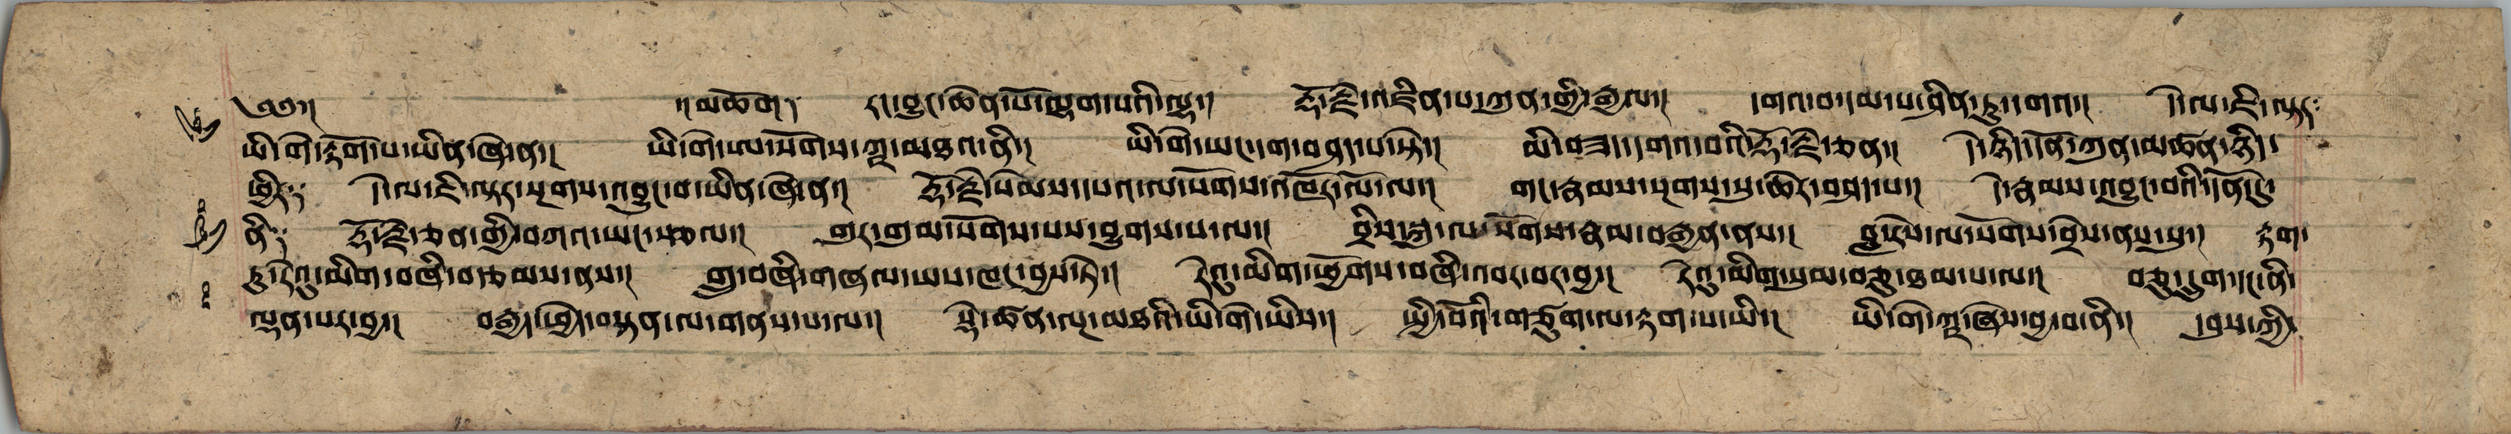༄༅་། ་།མཆོག། རང་བྱུང་ཆེན་པོ་ལྷག་པའི་ལྷ་། རྡོ་རྗེ་འཛིན་པ་ཀུན་གྱི་རྒྱལ་། དགའ་བ་དམ་པ་ཤིན་ཏུ་དགའ་། དེ་ལ་ཇི་ལྟར་
ཡི་གེ་རྟོག་པ་ཡིན་ཞེ་ན་། ཡི་གེ་ཨ་སོགས་ཀྵ་མཐའ་ནི་། ཡི་གེ་ཡང་དག་བཤད་པ་སྟེ་། མི་བཟད་དགའ་བའི་རྡོ་རྗེ་ཅན་། དེ་ཉིད་དོན་ཀུན་མཚན་ཉིད་
ཕྱིར༑ དེ་ལ་ཇིལྟར་སྔགས་འབྱུང་བ་ཡིན་ཞེ་ན་། རྡོ་རྗེ་སེམས་དཔའ་ལ་སོགས་འཁོར་ལོ་ལ་། གང་རྣམས་སྔགས་སུ་ཆེར་བཤད་པ་། དེ་རྣམས་འབྱུང་བའི་དོན་དུ་
ནི༑ རྡོ་རྗེ་ཅན་གྱི་བཀའ་ཡང་སྩལ་། གུར་གུམ་སོགས་པས་བྱུགས་པ་ལ་། བྲིས་སྐུ་ལ་སོགས་རྣམ་བརྒྱན་ནས་། བླ་རེས་ལ་སོགས་བྲེས་ནས་སུ་། རྟག་
ཏུ་རེའུ་མིག་བཞི་བརྩམས་ནས་། གྲུ་བཞི་གཞལ་ཡས་ཁང་བྱས་ཏེ་། རེའུ་མིག་ཕྱོགས་བཞི་འབར་བར་བྱ་། རེའུ་མིག་སུམ་བཅུ་ཐམ་པ་ལ་། བཅུ་དྲུག་དང་ནི་
ལྡན་པར་བྱ་། བརྒྱད་ཕྱེད་བསྟན་ལ་གནས་པ་ལ་། སྡེ་ཚན་ལྔ་མཐའི་ཡི་གེ་ཡིས་། སྤྱི་བོའི་གཙུག་ལ་རྟག་པ་ཡི་། ཡི་གེ་ཀྵ་ཞེས་བྱ་བ་ནི་། དབུས་ཀྱི་